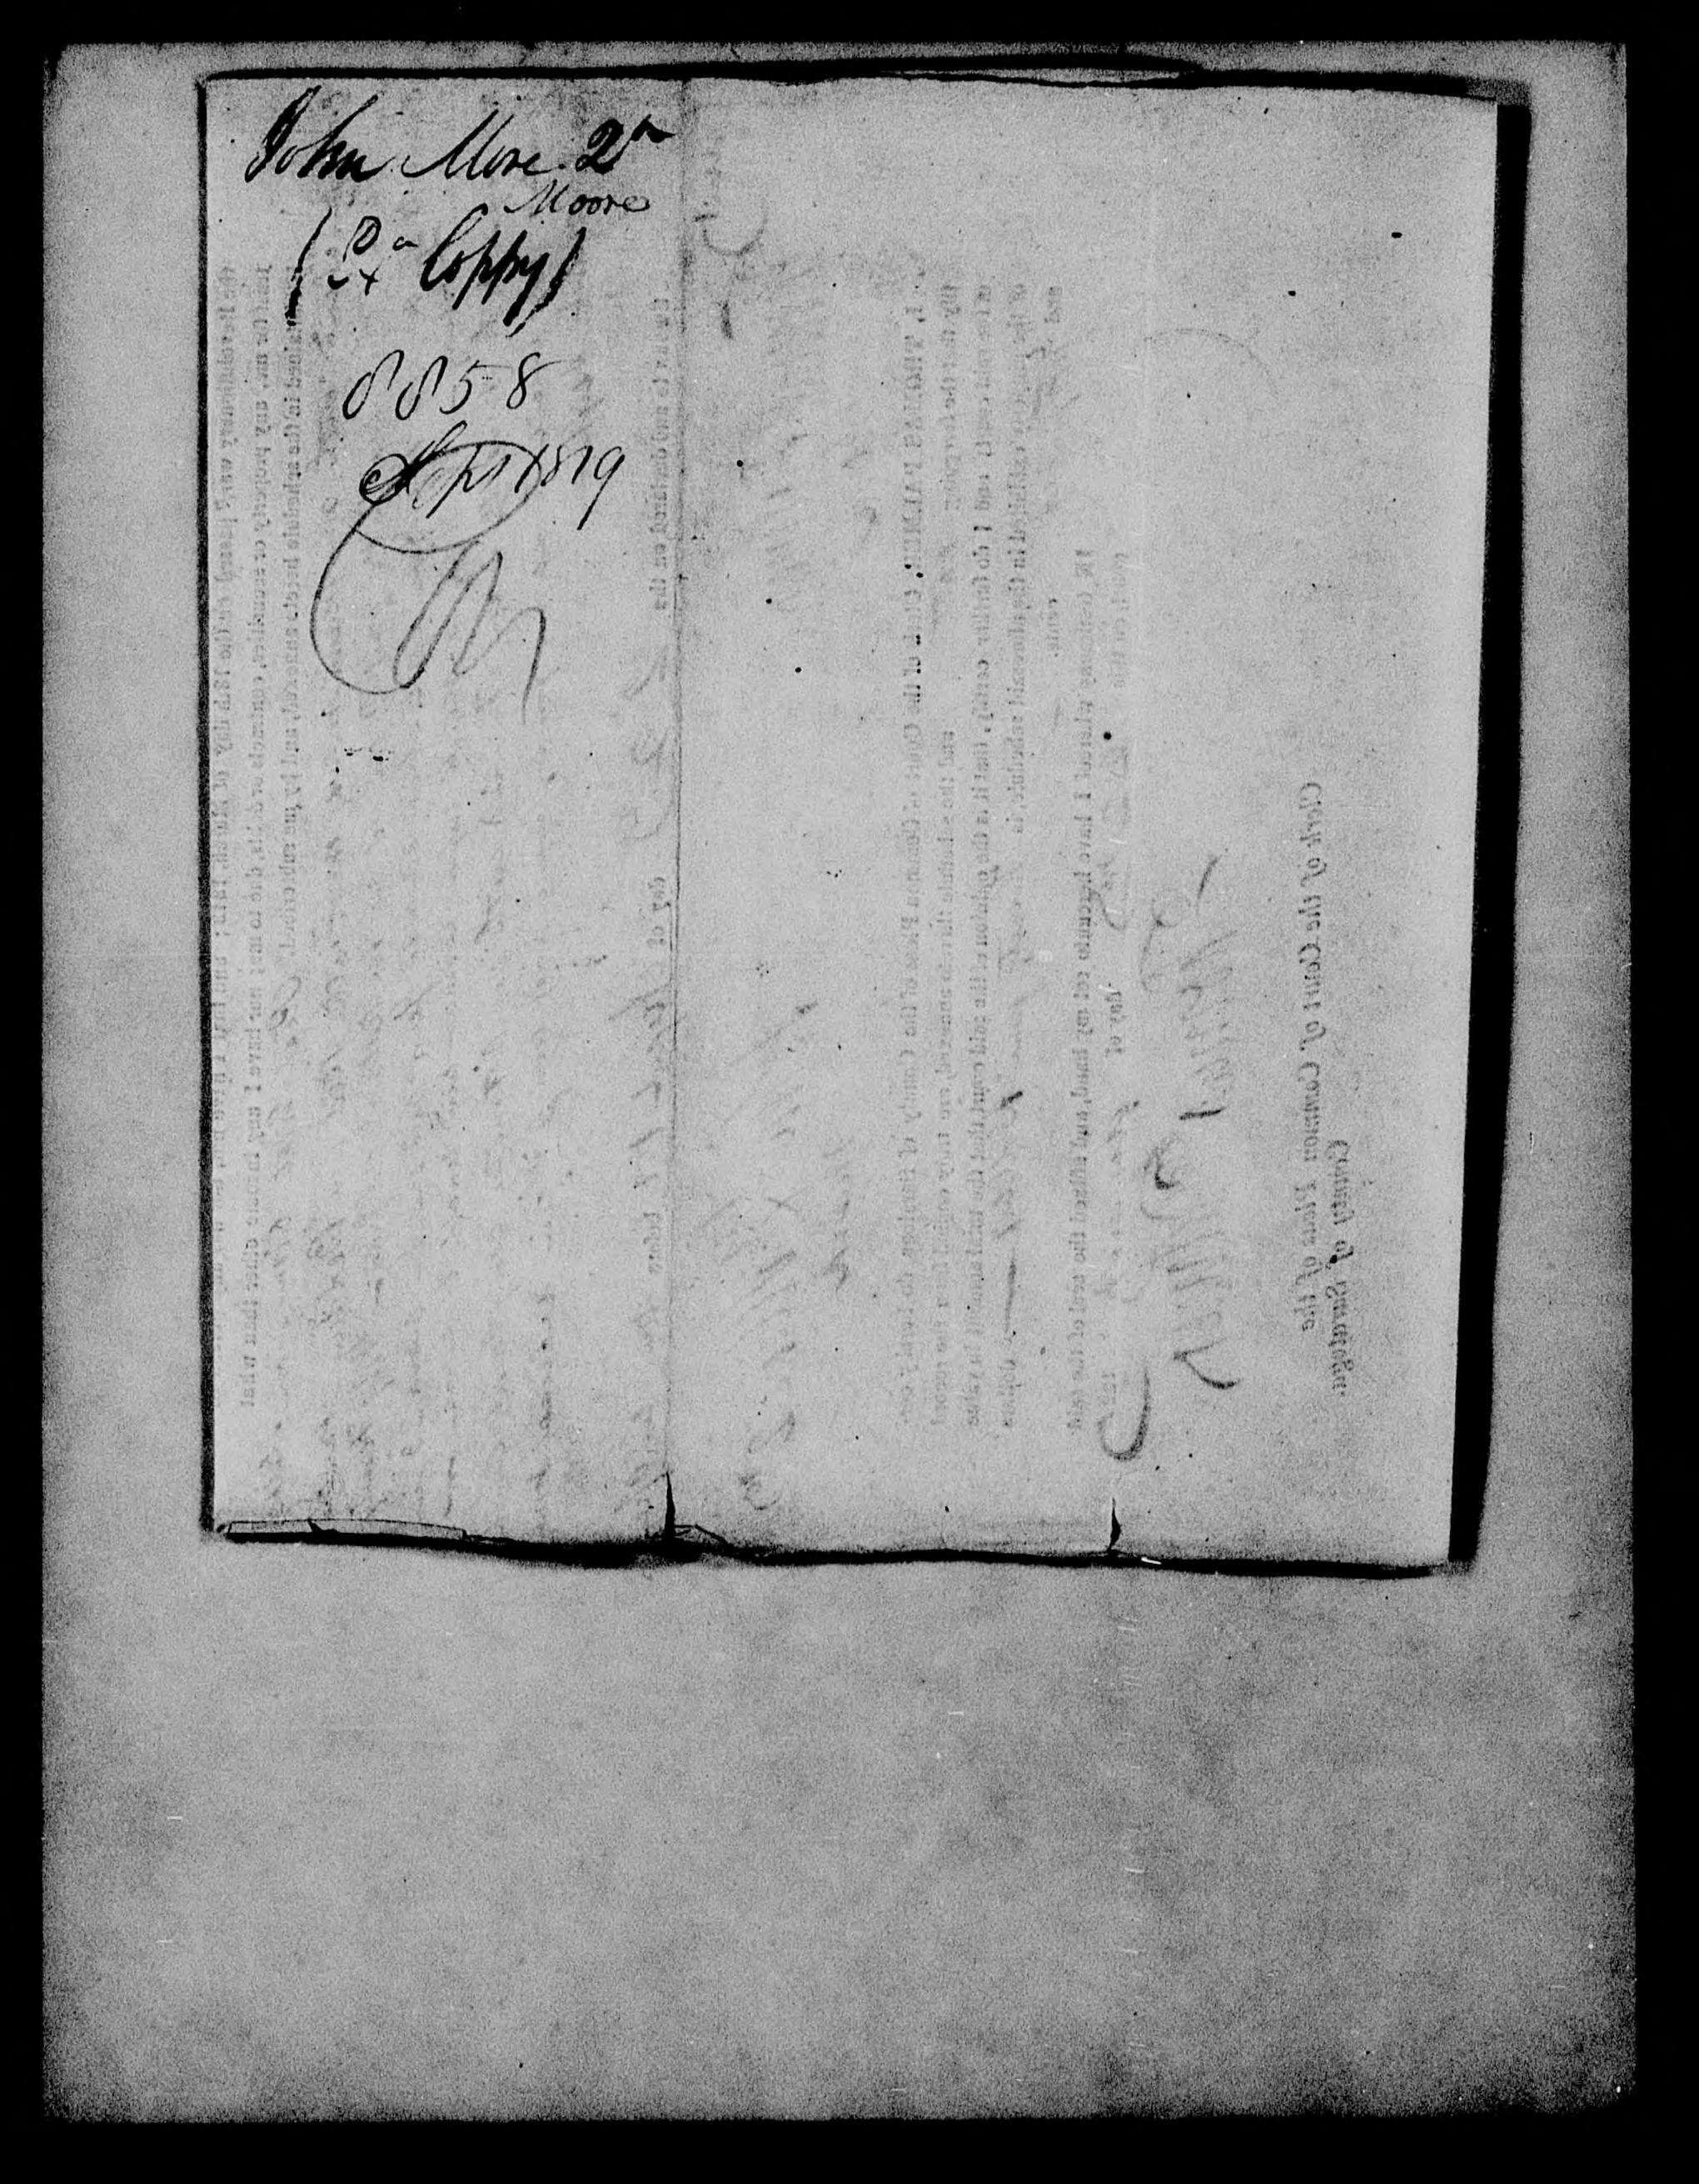John More 2d
Moore
[illegible] Coppy

8858

Sept 1819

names: John Moore; John More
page: 3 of 15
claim: survivor's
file: S. 43029, for John Moore, New York